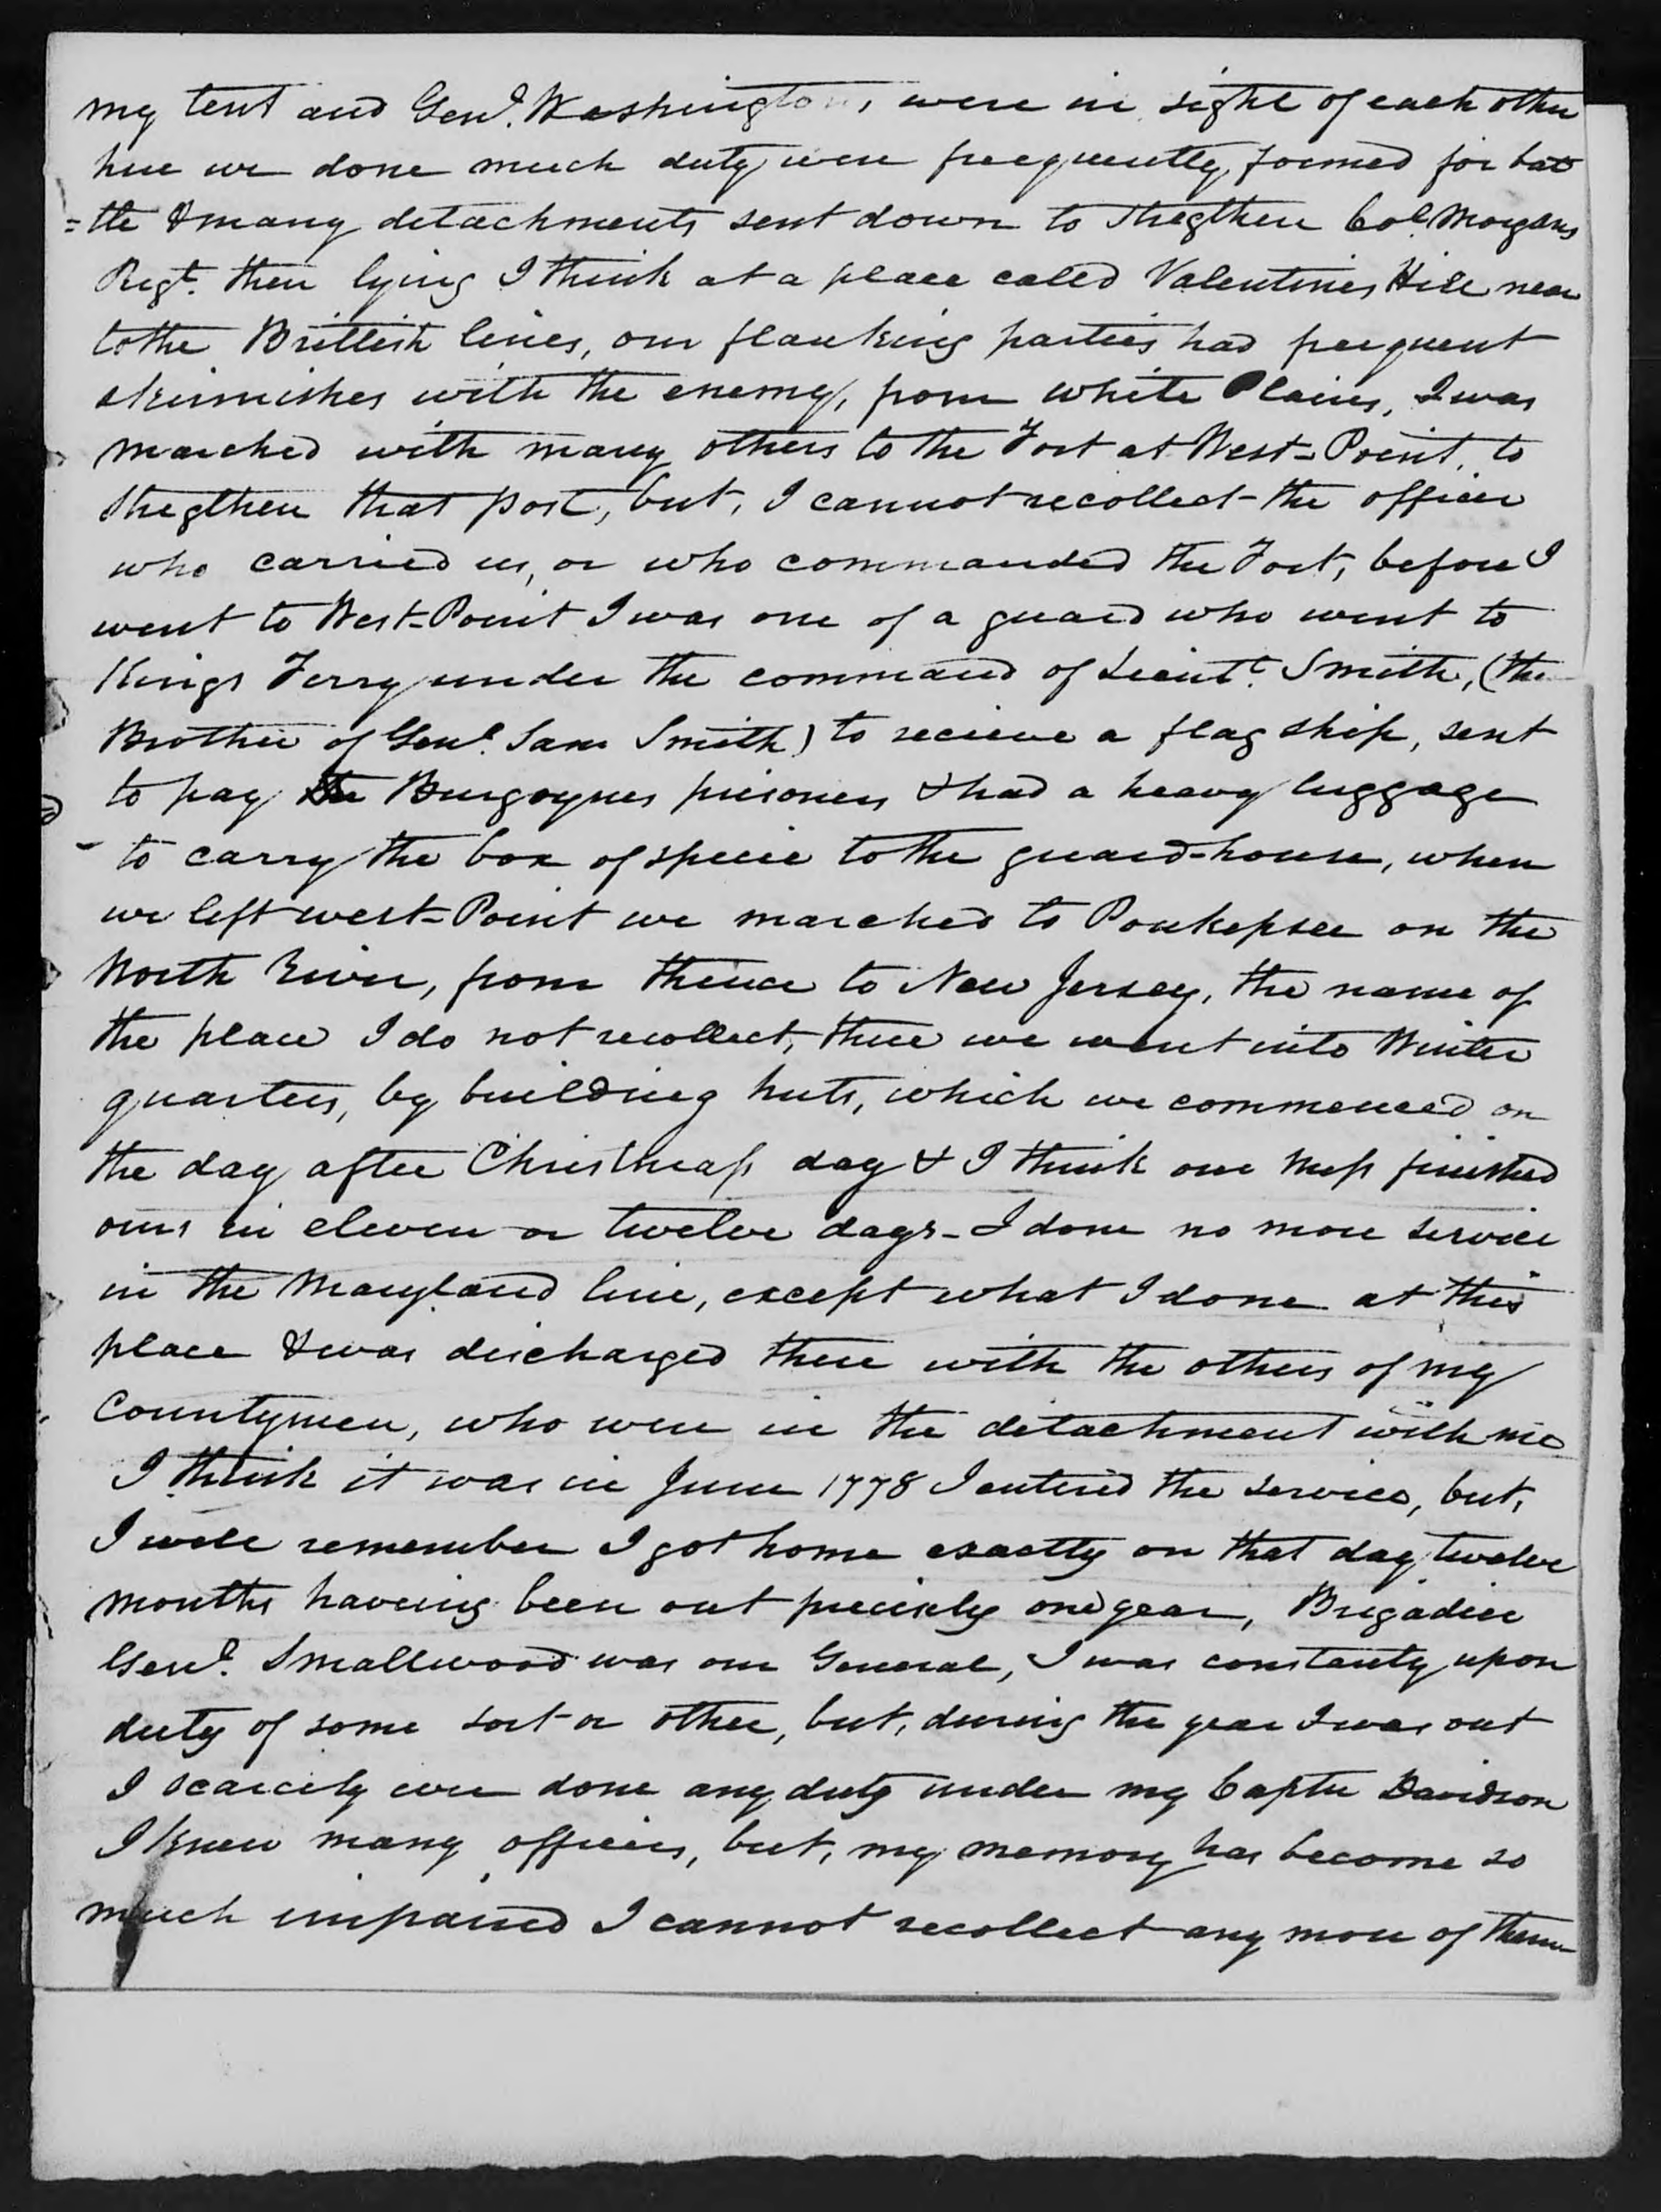my tent and Genl. Washingtons were in sight of each other here we done much duty were frequently formed for battle & many detachments sent down to strengthen Col Morgans Regt. then lying I think at a place called Valentines Hill near to the Brittish lines, our flanking parties had frequent skirmishes with the enemy, from White Plains I was marched with many others to the Fort at West-Point to strengthen that post, but, I cannot recollect the officers who carried us, or who commanded the Fort, before I went to West-Point I was one of a guard who went to Kings Ferry under the command of Lieut^t. Smith, (the brother of Gen^l. James Smith) to receive a flag ship, sent to pay the Burgoynes prisoners & had a heavy luggage to carry the box of specie to the guard-house, when we left West-Point we marched to Poukepsee on the North River, from thence to New Jersey, the name of the place I do not recollect, there we went into Winter quarters, by building huts, which we commenced on the day after Christmass day & I think our mess finished our in eleven or twelve days - I done no more service in the Maryland line, except what I done at this place & was discharged there with the others of my countrymen, who were in the detachment with me. I think it was in June 1778 I entered the service, but, I well remember I got home exactly on that day twelve months haveing been out precisely one year, Brigadier Genl. Smallwood was our General, I was constantly upon duty of some sort or other, but, during the year I was out I scarcely ever done any duty under my Captn Davidson I knew many officers, but, my memory has become so much impaired I cannot recollect any more of them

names: Davidson, Washington, Smallwood, Valentine Hill, Smith, Morgans, Sam Smith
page: 9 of 49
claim: survivor's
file: S. 12755, George Dent, Md.